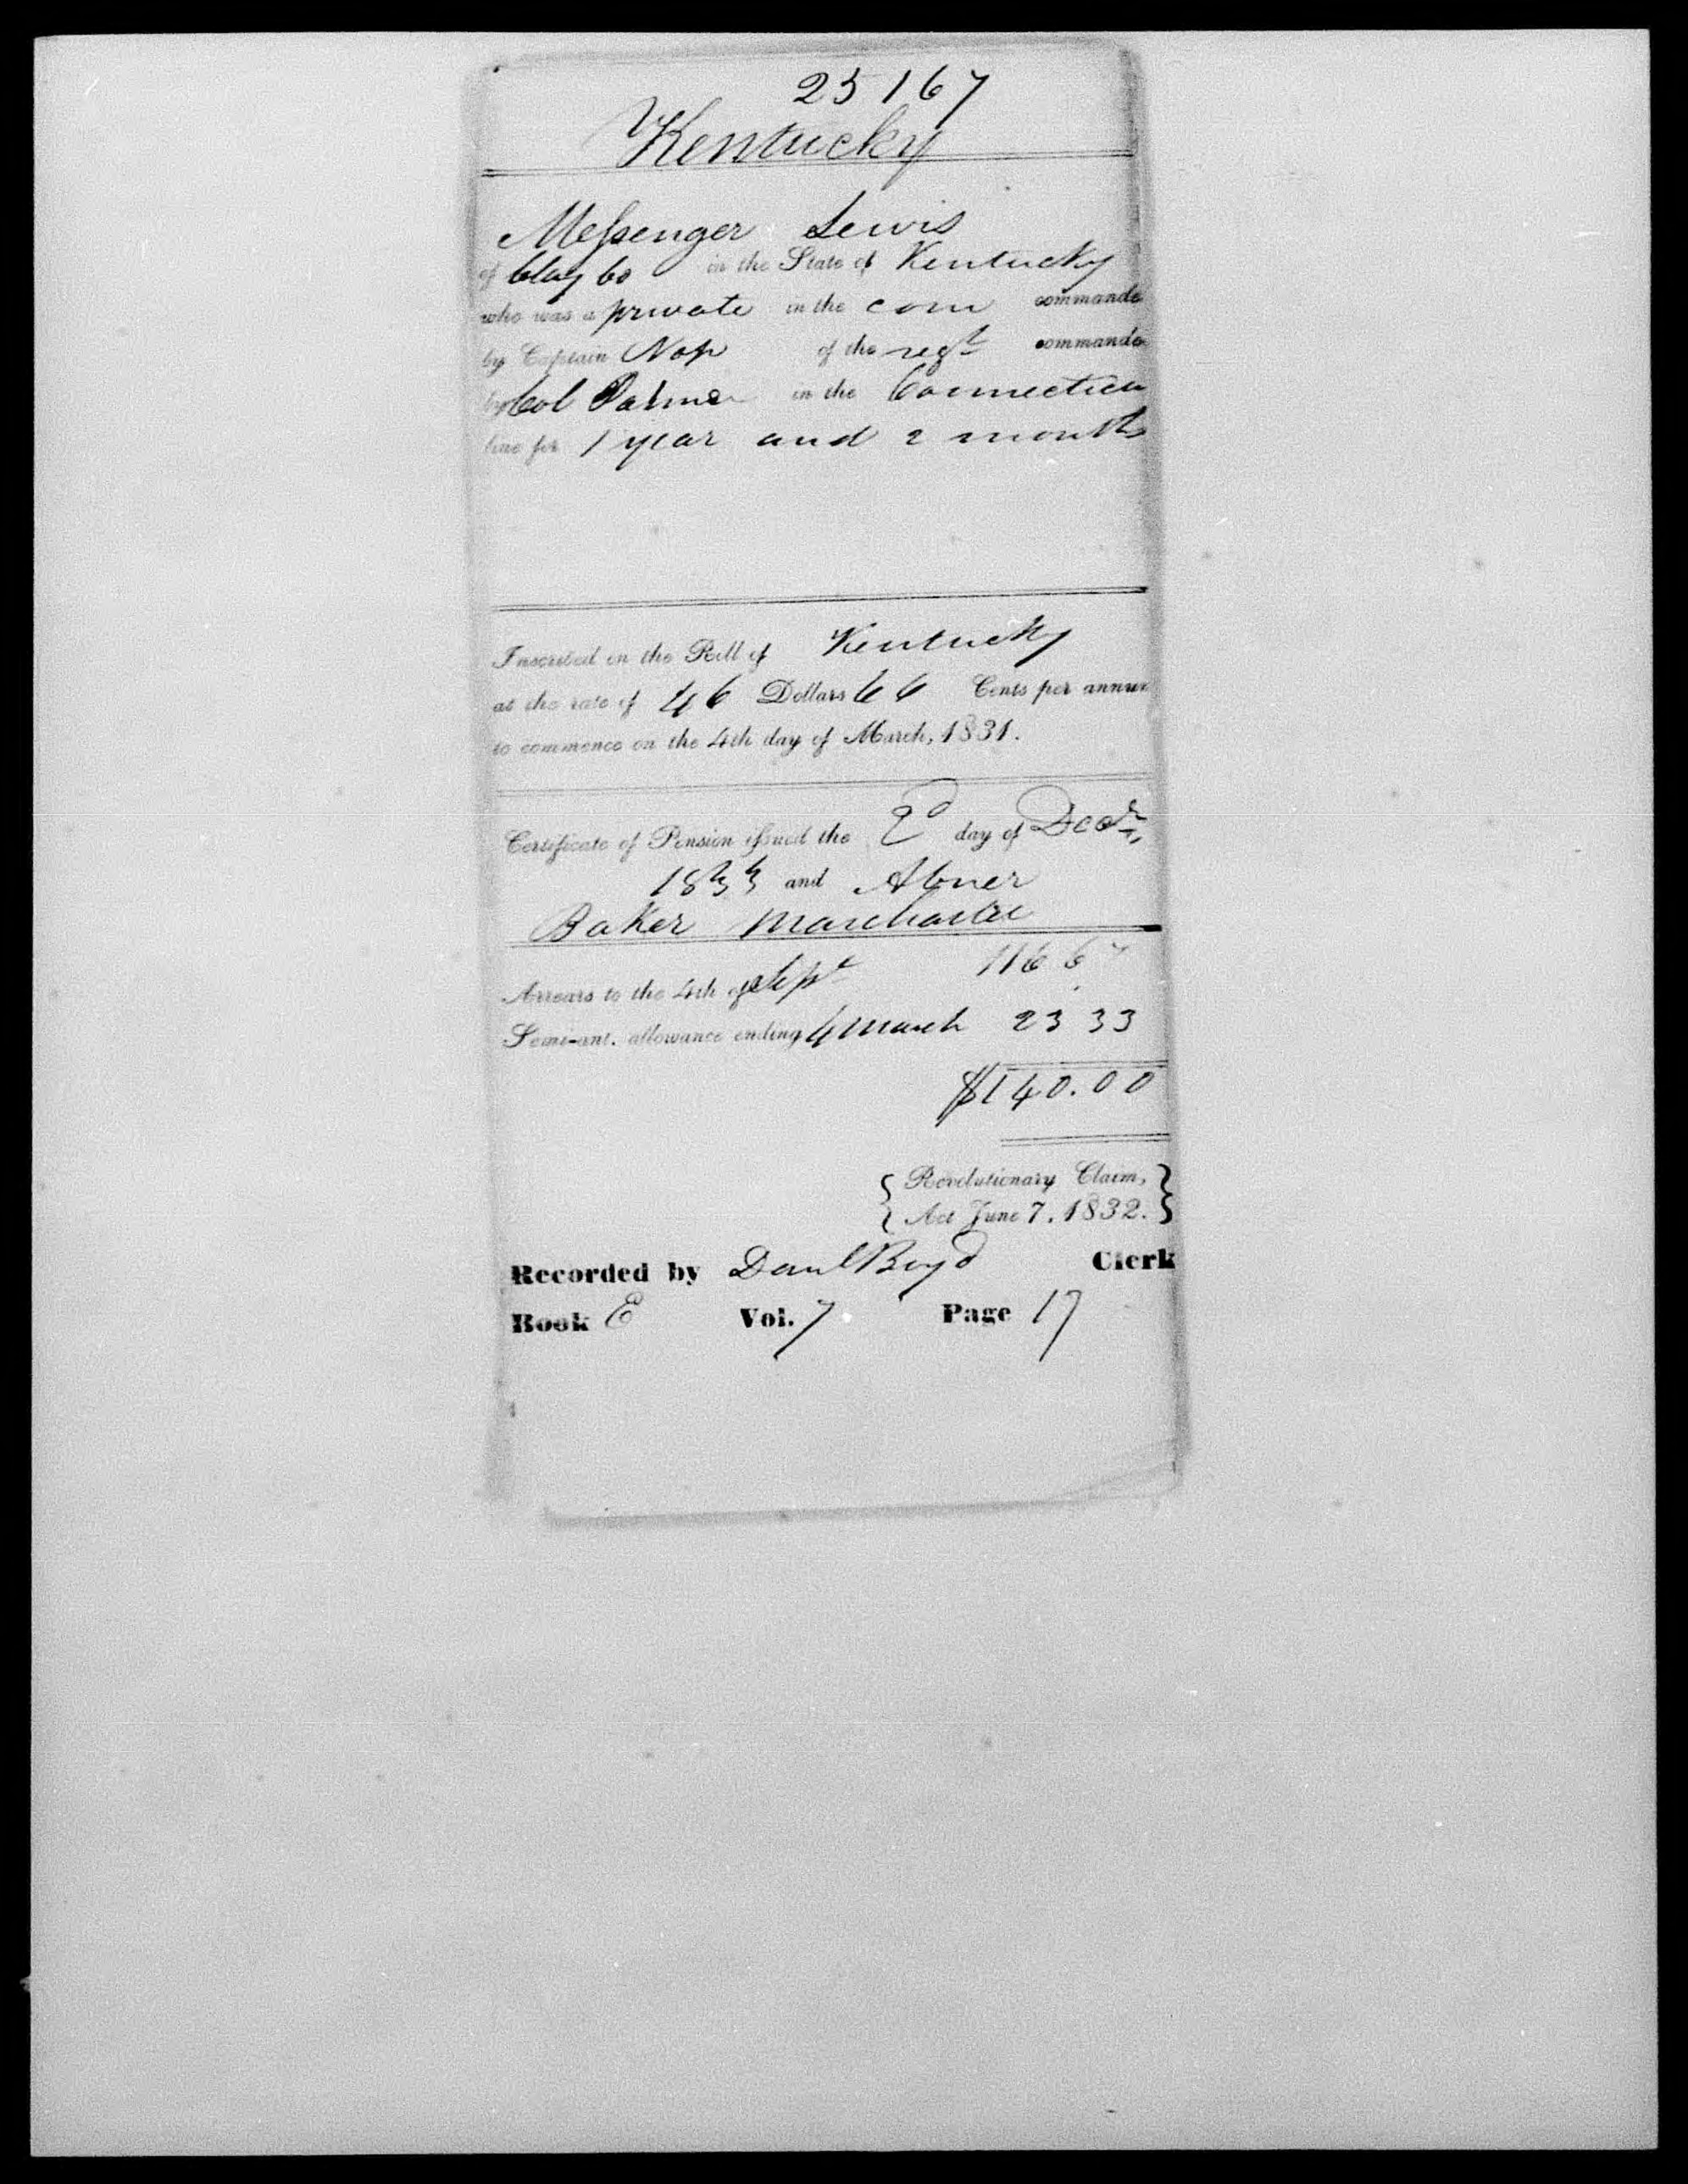25167
Kentucky
Messenger Lewis
of Clay Co in the State of Kentucky who was a private in the com commanded by Captain Nap  [Knapp] of the regt commanded by Col Palmer in the Connecticut line for 1 year and 2 months

Inscribed on the Roll of Kentucky at the rate of 46 Dollars 66 Cents per annum, to commence on the 4th day of March, 1831.

Certificate of Pension issued the 2d day of Decr 1833 and Abner Baker (illegible)

Arrears to the 4th of Sept  11667
Semi=anl. allowance ending 4 March  2333
$140.00

Revolutionary Claim, Act June 7, 1832.

Recorded by Danl Boyd Clerk
Book E  Vol. 7  Page 17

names: [BLANK] Nap; Messenger Lewis; [BLANK] Palmer; Abner Baker; Danl Boyd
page: 2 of 12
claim: survivor's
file: S. 31207, for Messenger Lewis, Connecticut